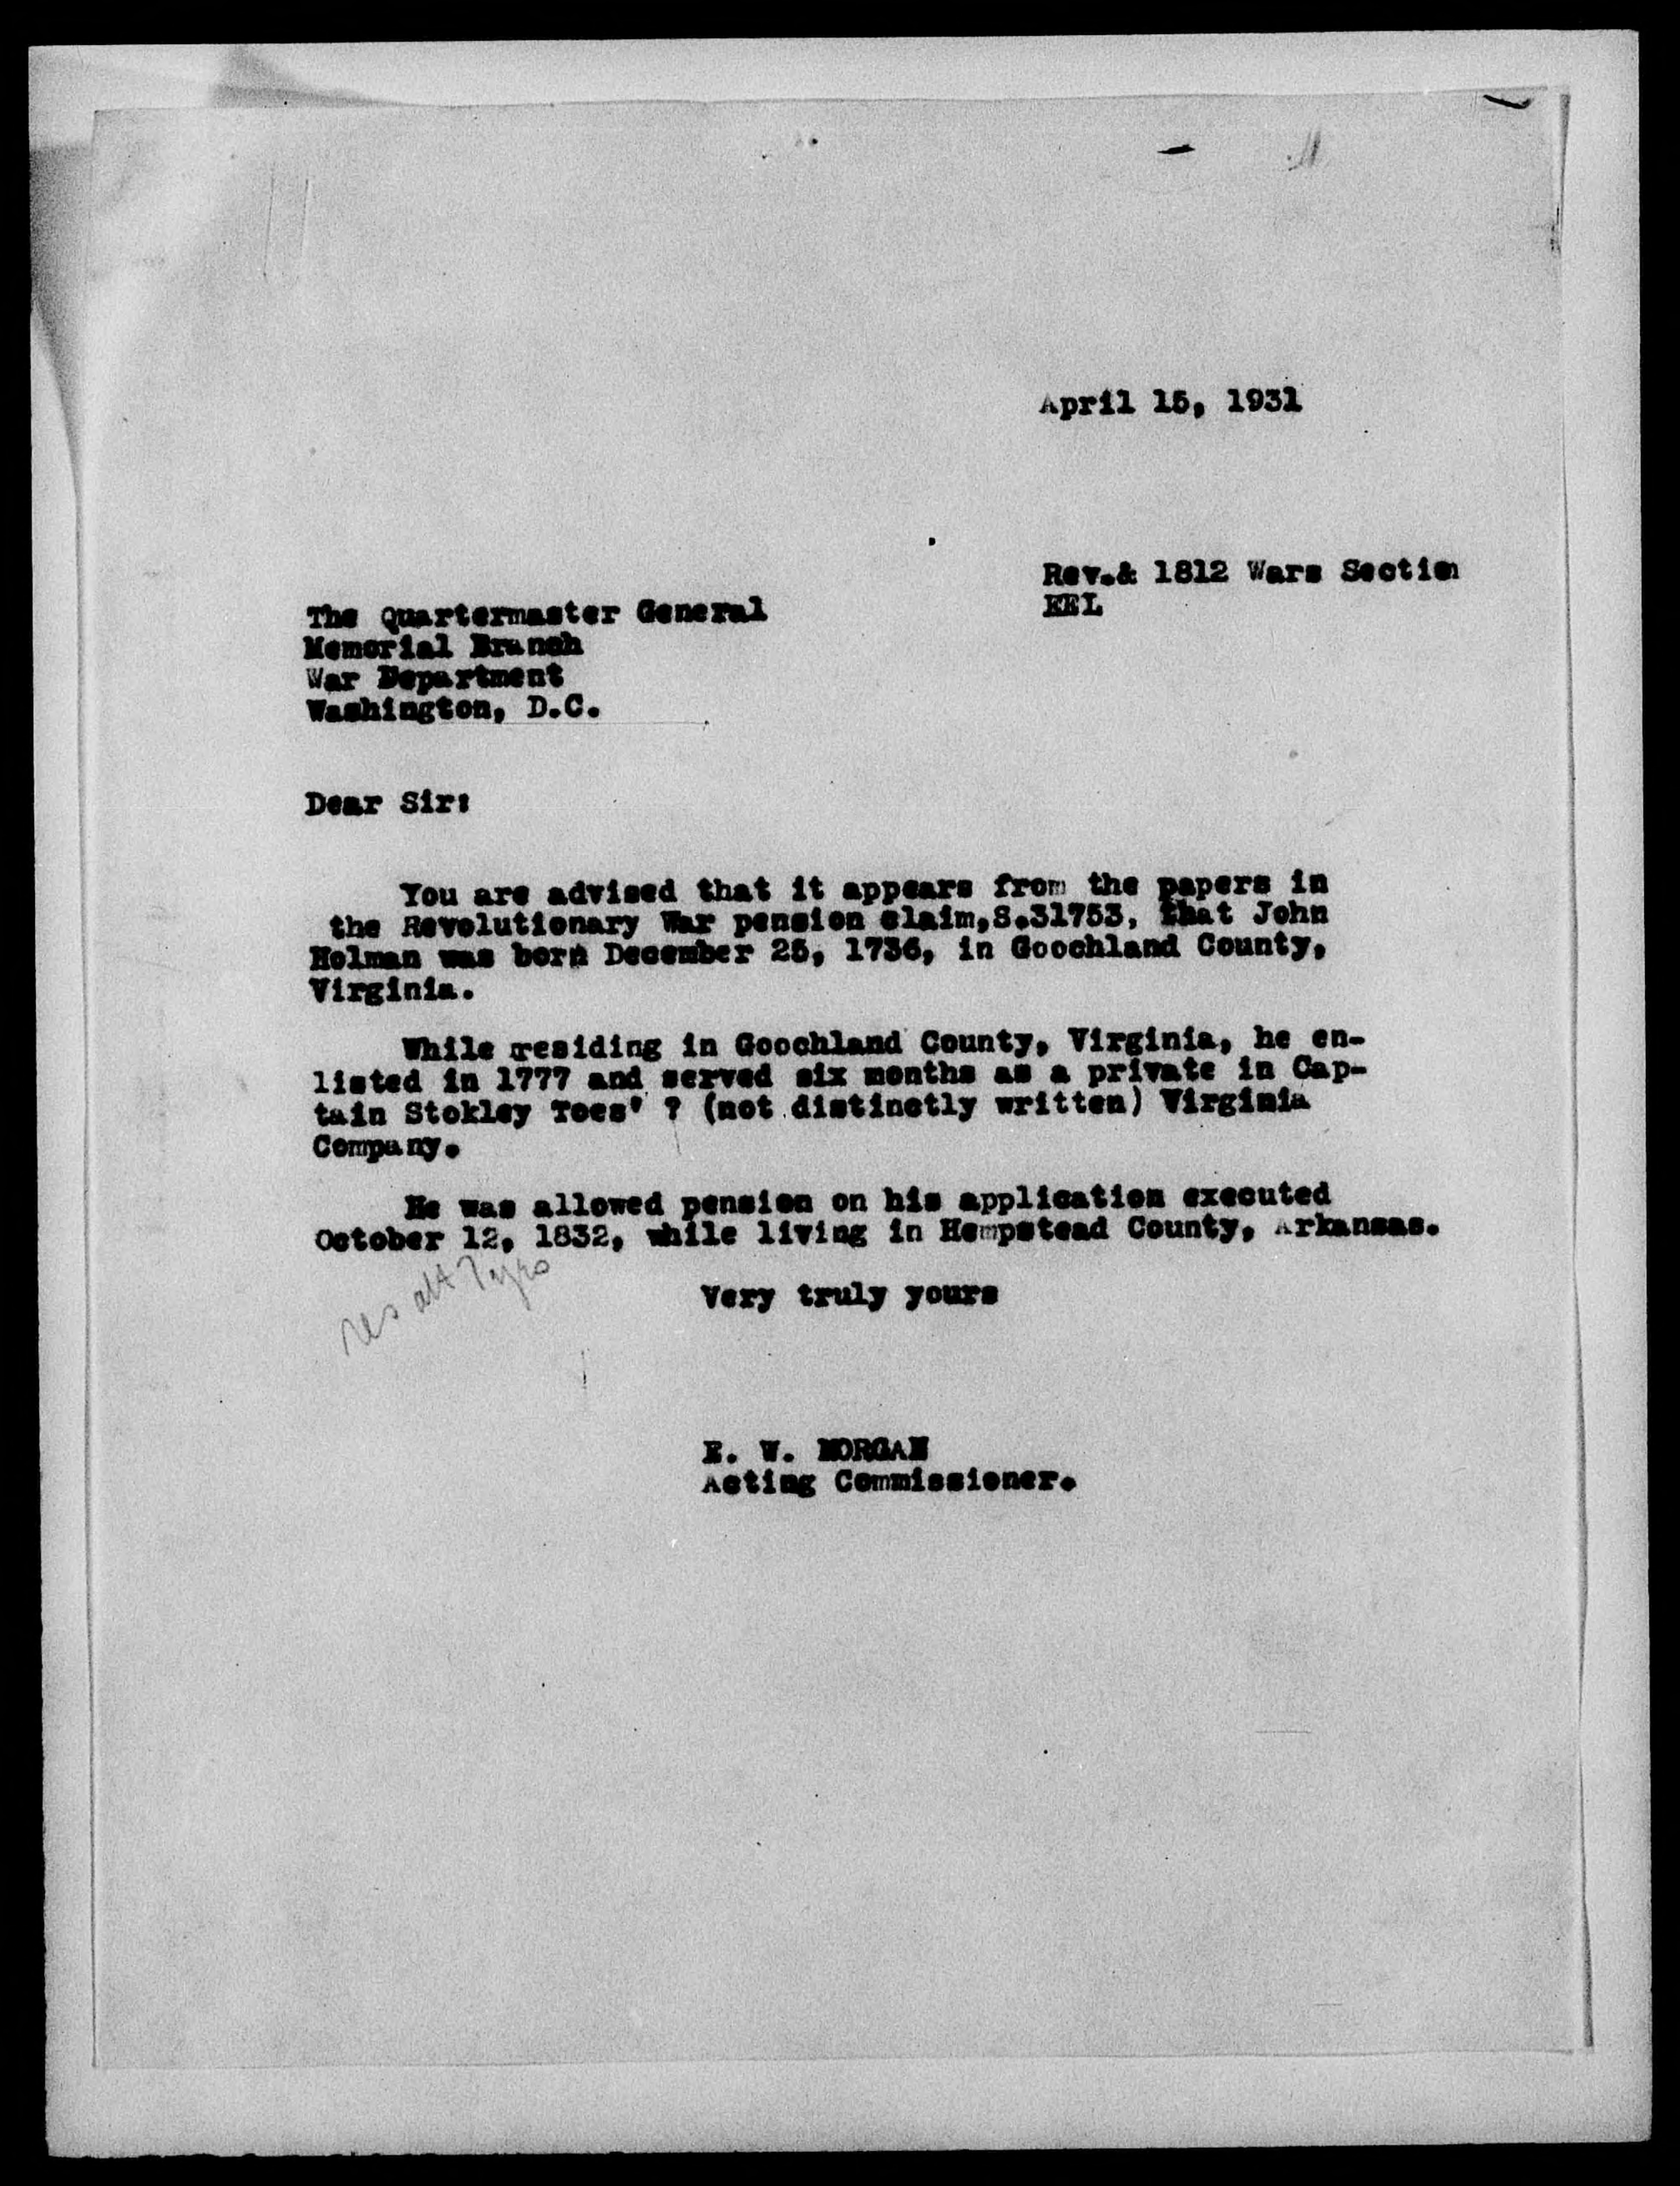April 15, 1931
Rev. & 1812 Wars Section
EEL
The Quartermaster General
Memorial Branch
War Department
Washington, D.C.
Dear Sir:
You are advised that it appears from the papers in
the Revolutionary War pension claim, S.31753, that John
Holman was born December 25, 1736, in Goochland
County, Virginia.
While residing in Goochland County, Virginia, he enlisted 
in 1777 and served six months as a private in Captain 
Stokley Toes' ? (not distinctly written) Virginia Company.
He was allowed pension on his application executed
October 12, 1832, while living in Hempstead County, Arkansas.
Very truly yours
E. W. MORGAN
Acting Commissioner.
[handwritten note bottom] res alt 7 yrs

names: E W Morgan, John Holman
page: 28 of 30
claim: survivor's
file: S. 31753, John Holman, Va.